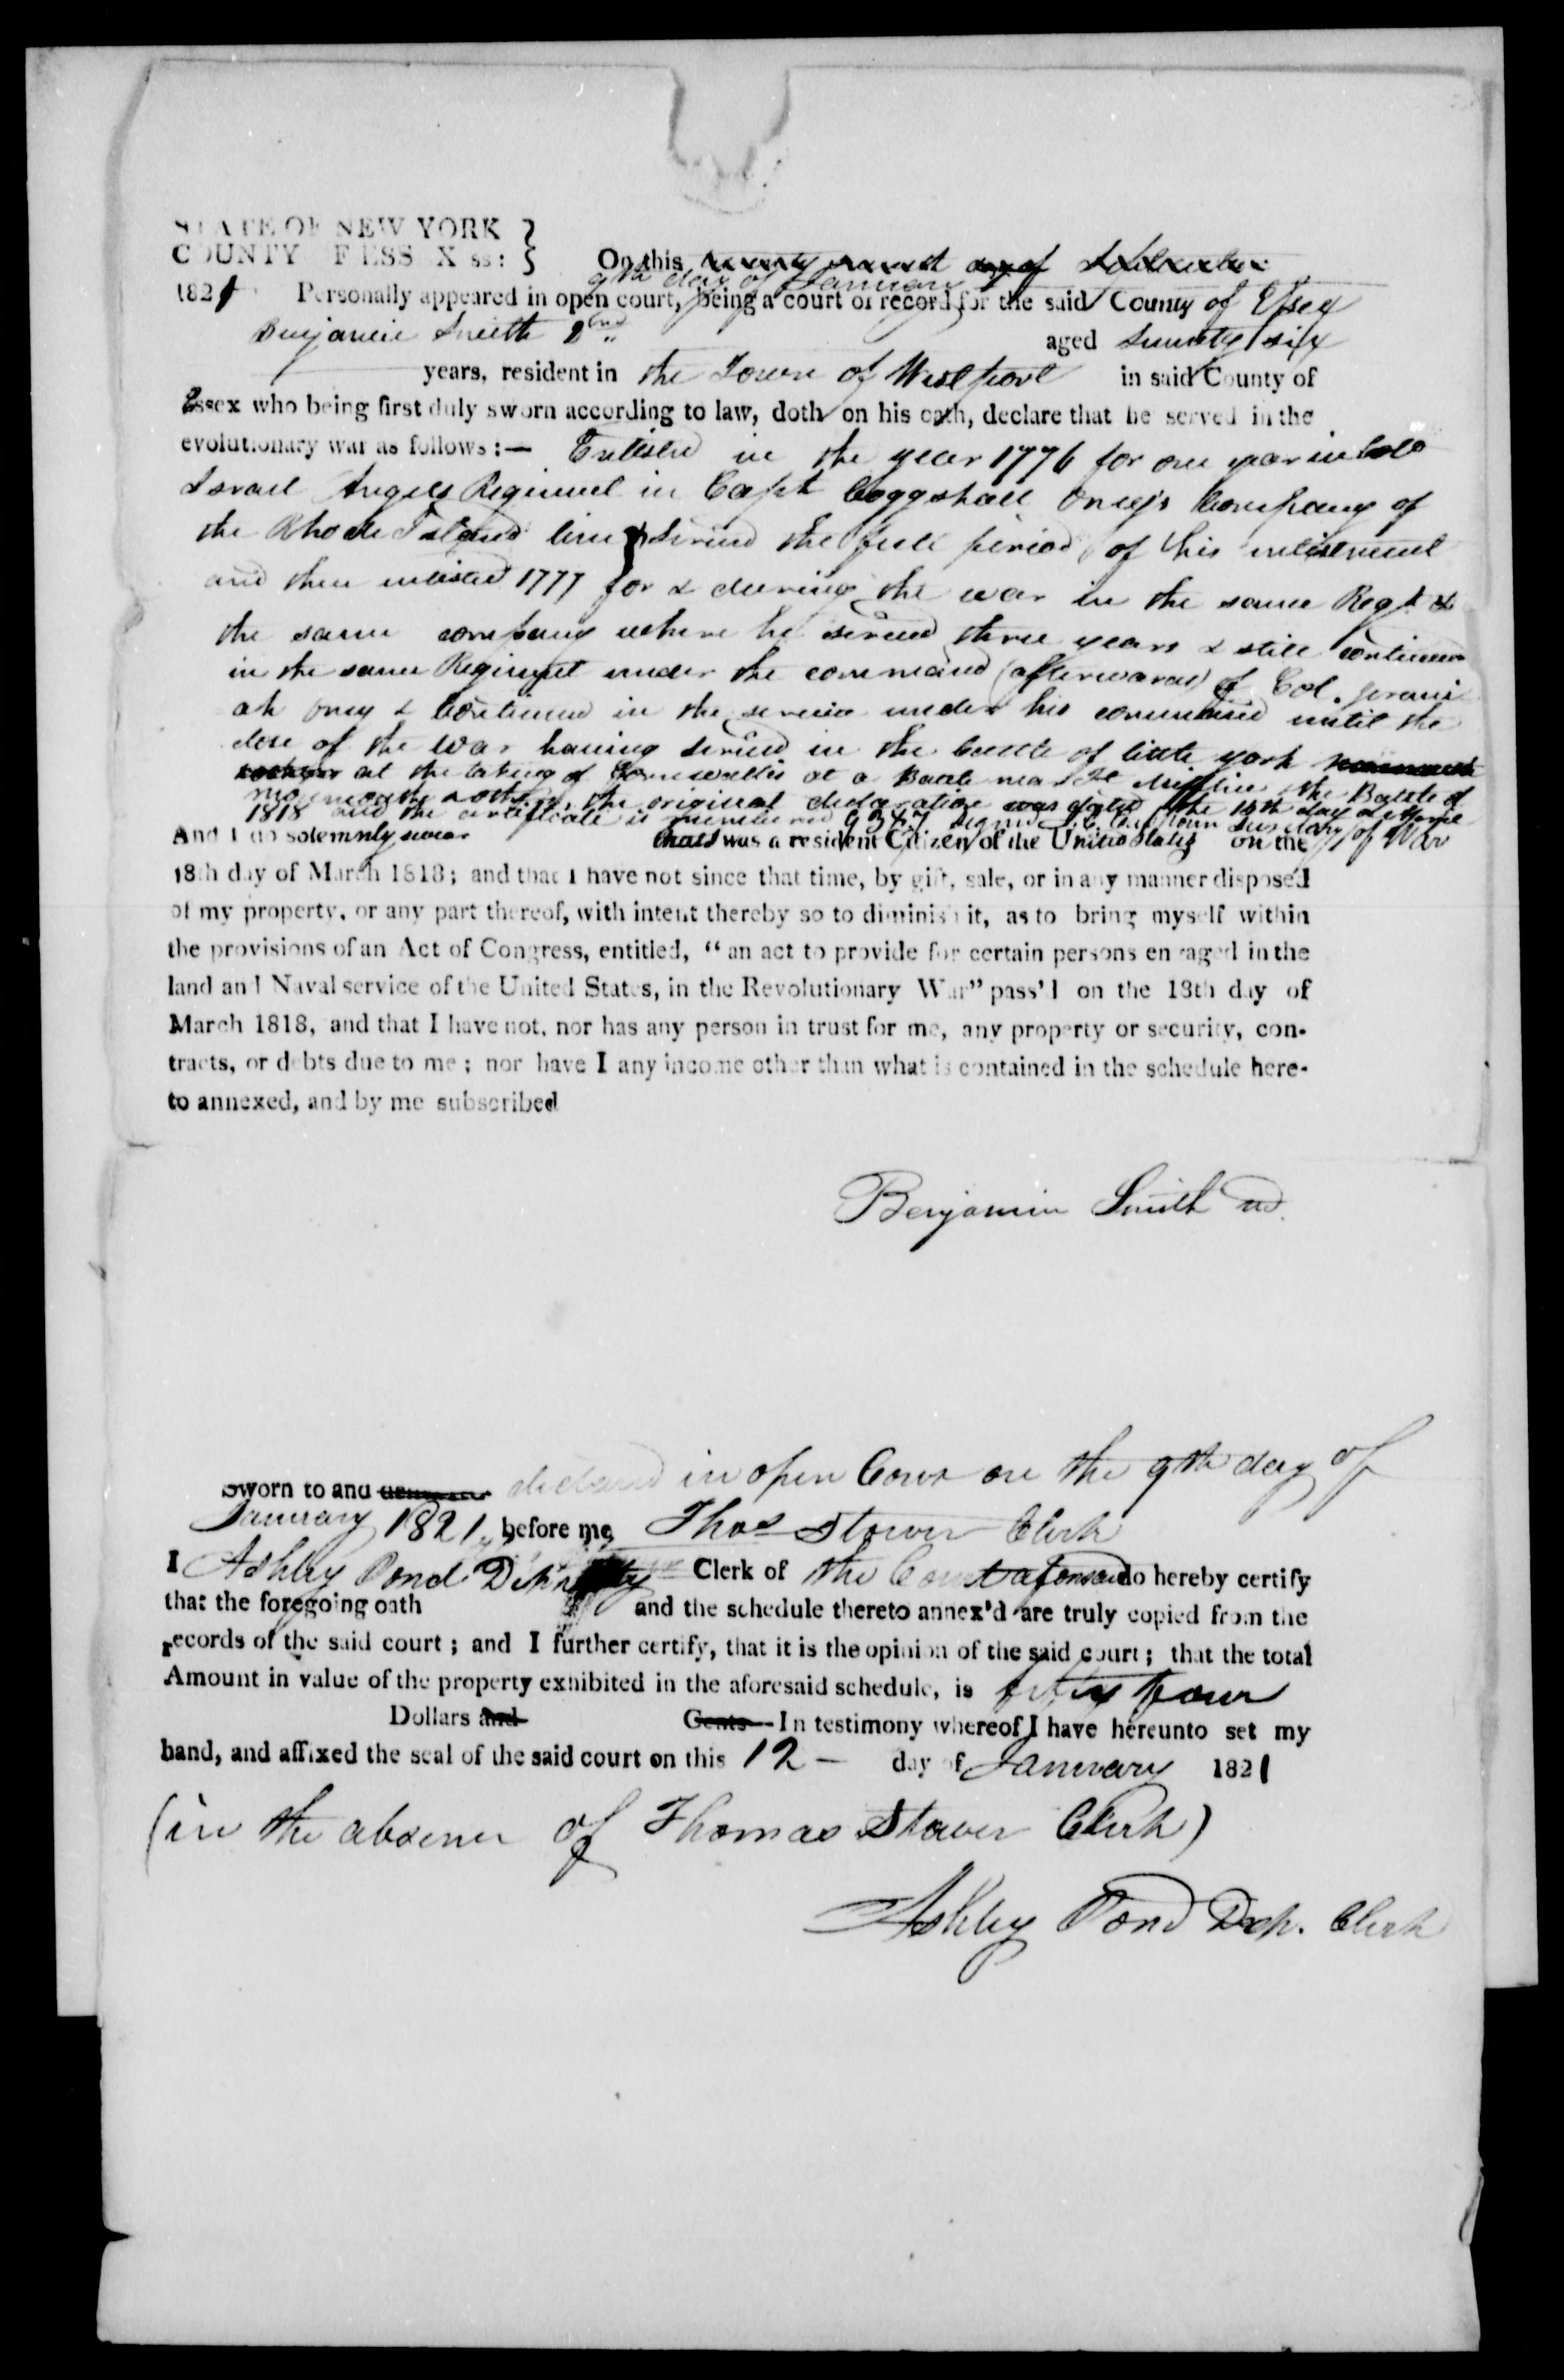STATE OF NEW YORK COUNTY OF ESSEX ss:} On this [crossed out: line illegible] 9th day of January 1821. Personally appeared in open court, being a court of record of the said County of Essex Benjamin Smith 2nd aged seventy six years, resident in the Town of Westport in said County of Essex who being first duly sworn according to law, doth on his oath, declare that he served in the Revolutionary war as follows:
Enlisted in the year 1776 for one year in Col Israel Angels Regiment in Capt Coggshall Oney's Company of the Rhode Island line & served the full period of his enlistment and then enlisted 1777 for & during the war in the same Reg & the same company where he served three years & still continued in the same Regiment under the command afterwards of Col. Jeremiah Oney & continued in the service under his company until the close of the war having served in the battle of little York [crossed out: illegible] at the taking of Cornwallis, at a  Battle near Fort Mifflin, the Battle of monmouth & others. The original declaration was dated the 15th day of April 1818 and the certificate is numbered 9387 signed J.C Calhoun Secretary of War

And I do solemnly swear that I was a resident Citizen of the United States on the 18th day of March 1818; and that I have not since that time, by gift, sale, or in any manner disposed of my property, or any part thereof, with intent thereby so to diminish it, as to bring myself within the provisions of an Act of Congress, entitled, ""an act to provide for certain persons engaged in the land and Naval service of the United States, in the Revolutionary War"" pass'd on the 18th day of March 1818, and that I have not, nor has any person in trust for me, any property or security, contracts , or debts due to me; nor have I any income other than what is contained in the schedule hereto annexed, and by me subscribed 
Benjamin Smith 2d
Sworn to and declared in open Court on the 9th day of January 1821 before me Thos Stower Clerk 
I Ashley Pond Deputy Clerk of the Court aforesaid hereby certify that the foregoing oath and the schedule thereto annexed are truly copied from the records of the said court; and I further certify, that it is the opinion of the said court; that the total Amount in value of the property exhibited in the aforesaid schedule, is fitly four Dollars. In testimony whereof I have hereunto set my hand, and affixed the seal of the said court on this 12 day of January 1821 
(in the absence of Thomas Stover Clerk)
 Ashley and Dep. Clerk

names: Ashley Pond; Benjamin Smith; Ashley Pond; Benjamin Smith; Thomas Stower; Thos Stower; Jeremiah [BLANK]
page: 10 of 16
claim: survivor's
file: S. 42341, for Benjamin Smith, Rhode Island